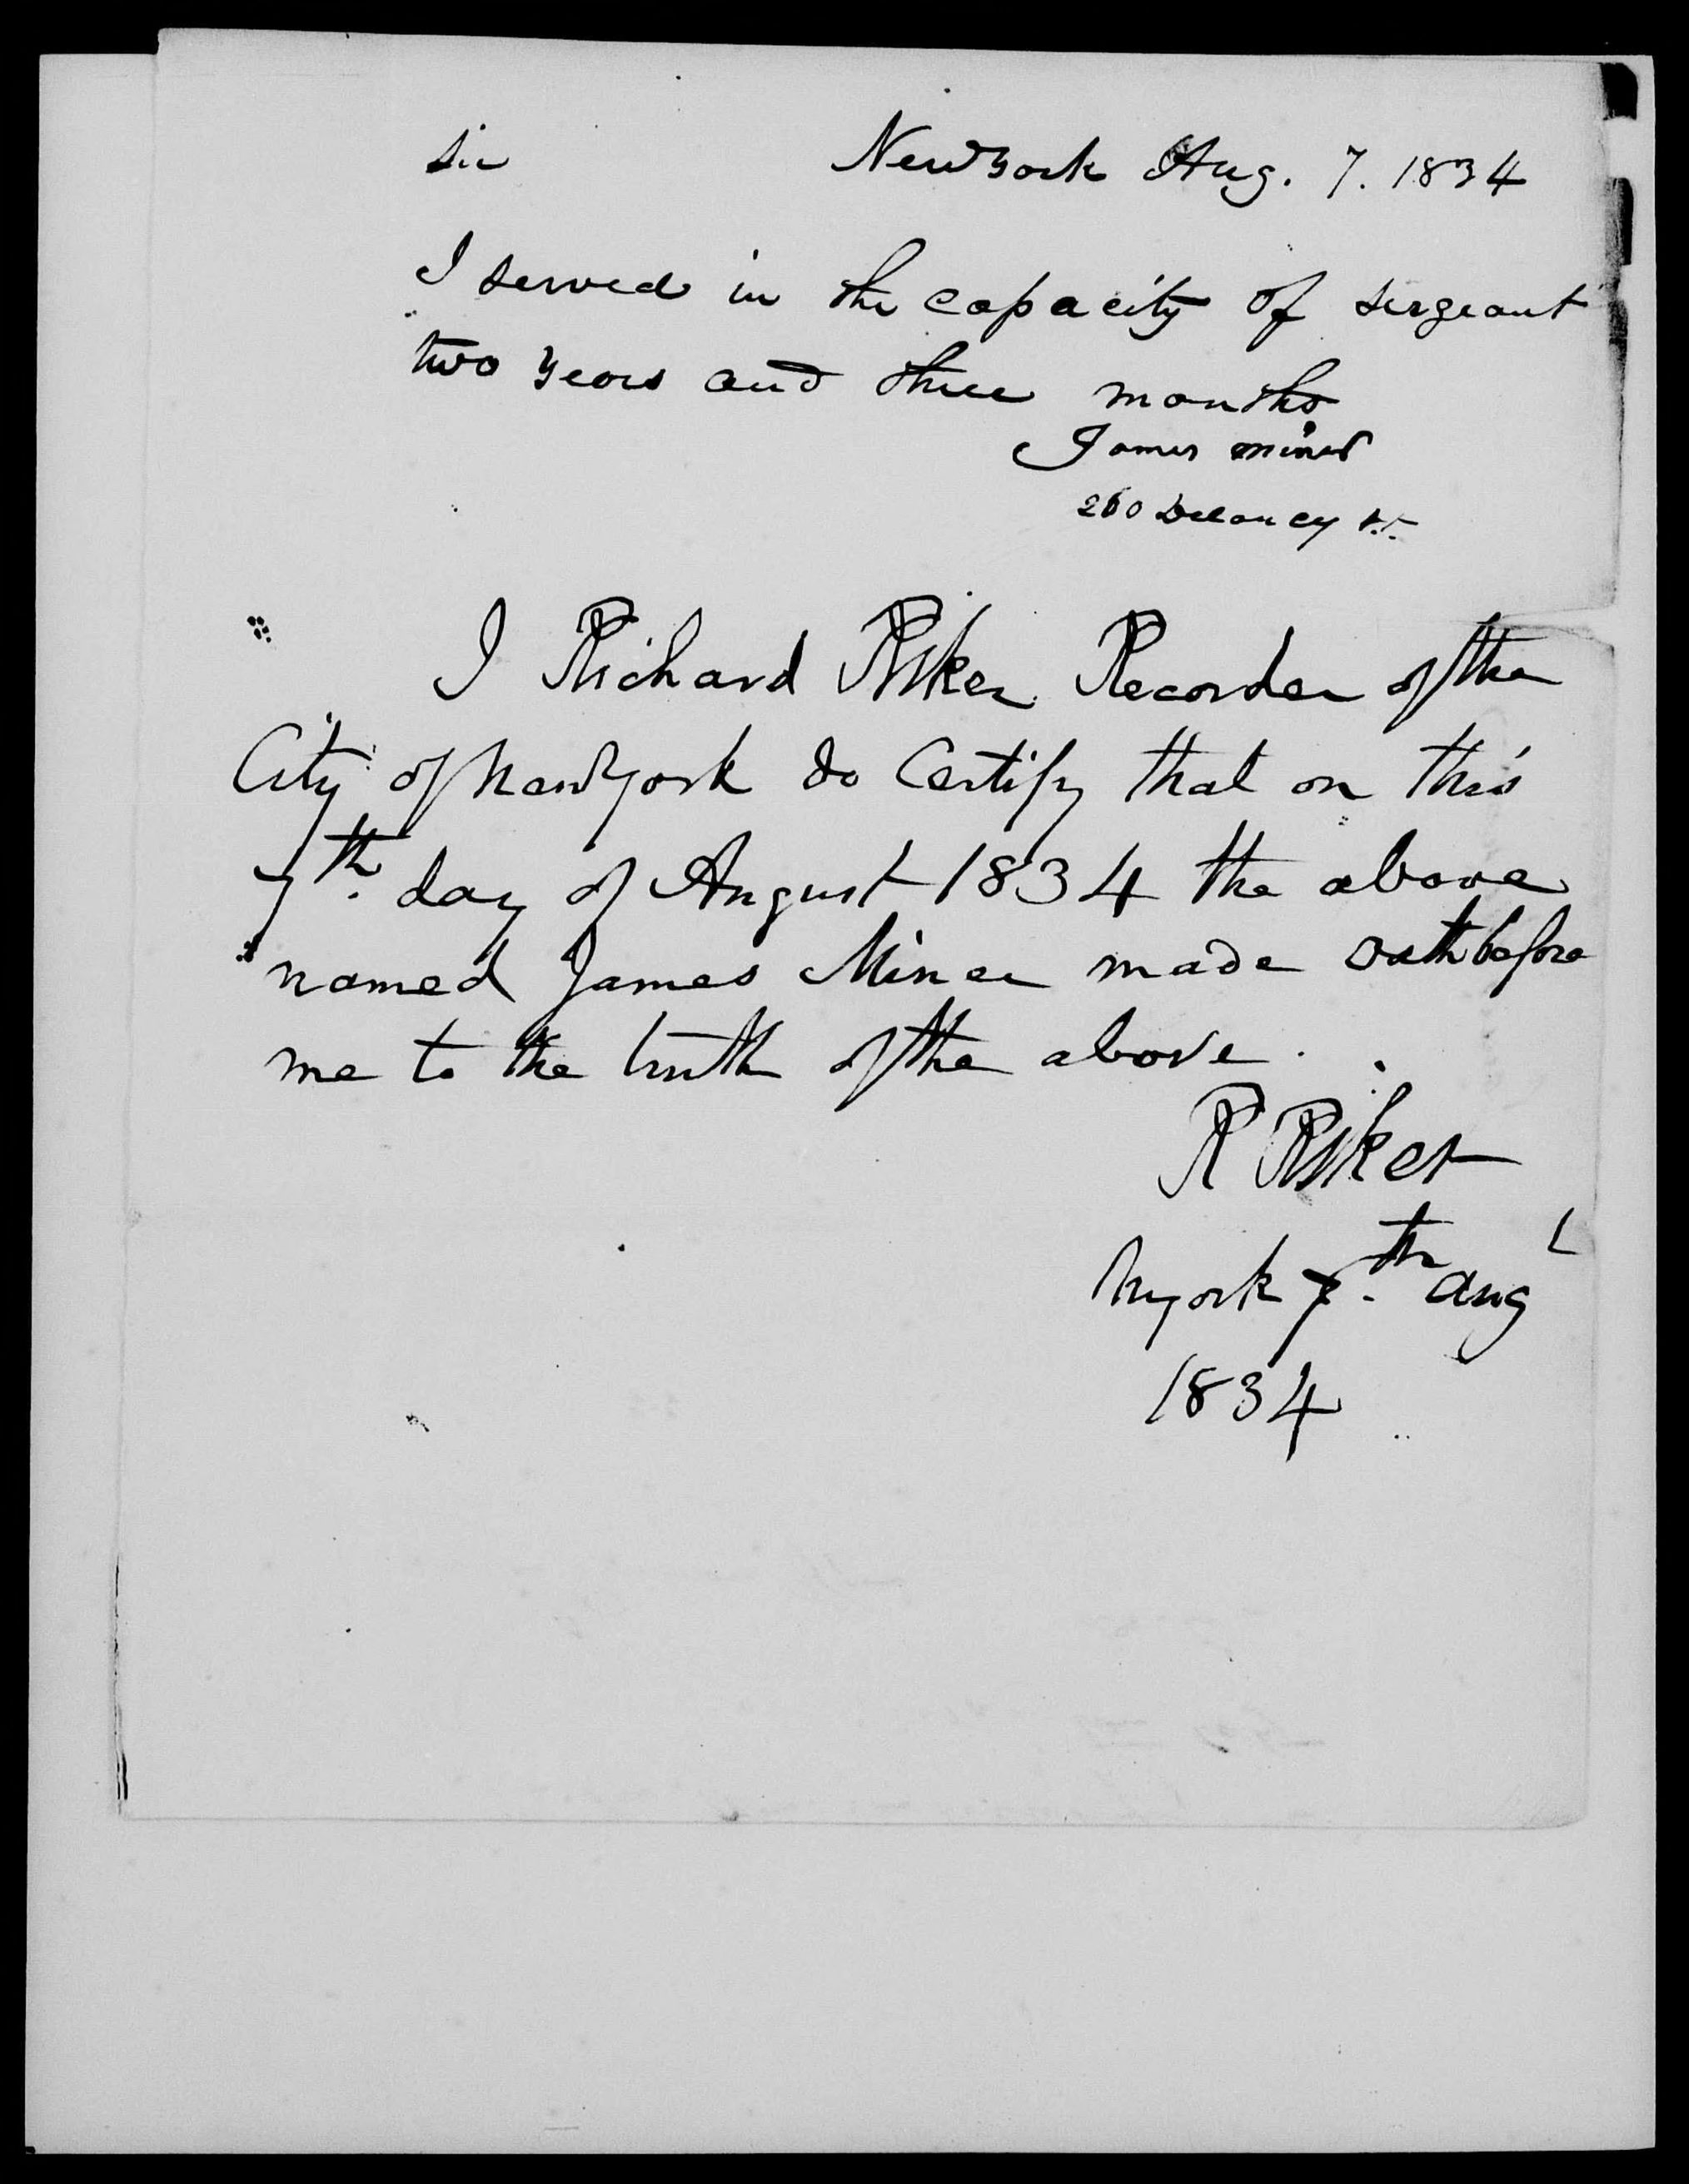New York Aug. 7. 1834 

Sir 

I served in the capacity of Sergeant two years and three months 
James Miner 
260 Delancy St. 

I Richard Riker Recorder of the City of New York do Certify that on this 7th day of August 1834 the above named James Miner made oath before me to the truth of the above. 

R Riker 
New York 7th Aug 
1834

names: James Miner; Richard Riker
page: 30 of 39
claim: survivor's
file: S. 23802, for James Miner, Connecticut